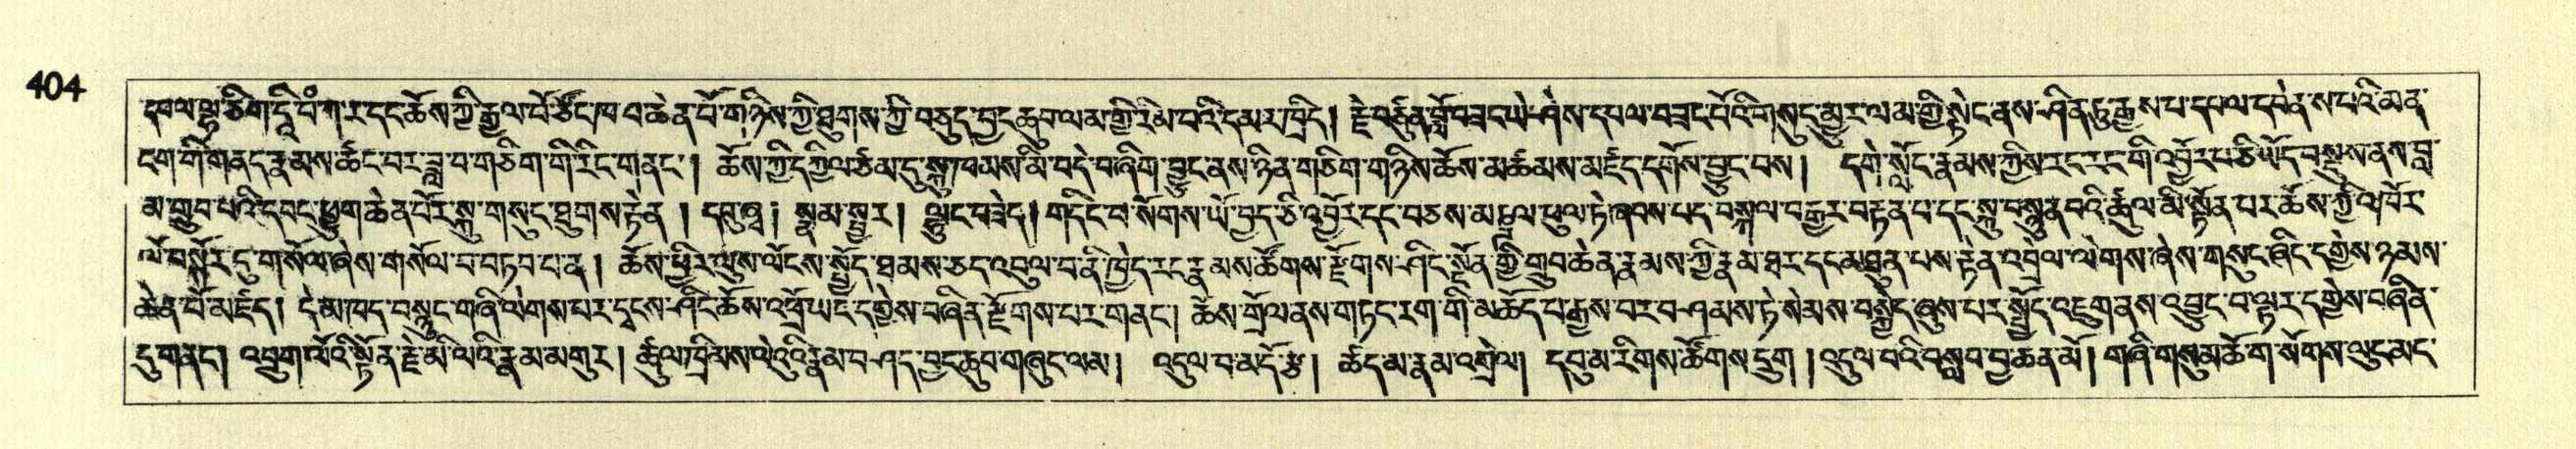དཔལ་ལྷ་ཅིག་དཱི་བཾ་ཀ་ར་དང་ཆོས་ཀྱི་རྒྱལ་བོ་ཙོང་ཁ་བ་ཆེན་པོ་གཉིས་ཀྱི་ཐུགས་ཀྱི་བཅུད་བྱང་ཆུབ་ལམ་གྱི་རིམ་བའི་དམར་ཁྲིད། རྗེ་བཙུན་བློ་བཟང་ཡེ་ཤེས་དཔལ་བཟང་པོའི་གསུང་མྱུར་ལམ་གྱི་སྟེང་ནས་ཤིན་ཏུ་རྒྱས་པ་དཔལ་དབེན་ས་པའི་མན་
ངག་གི་གནད་རྣམས་ཚང་བར་ཟླ་བ་གཅིག་གི་རིང་གནང་། ཆོས་ཀྱི་དཀྱིལ་ཙམ་དུ་སྐུ་ཁམས་མི་བདེ་བ་ཞིག་བྱུང་ནས་ཉིན་གཅིག་གཉིས་ཆོས་མཚམས་མཛད་དགོས་བྱུང་བས། དགེ་སློང་རྣམས་ཀྱིས་རང་རང་གི་འབྱོར་པ་ཅི་ཡོད་བསྡུས་ནས་བླ་
མ་གྲུབ་པའི་དབང་ཕྱུག་ཆེན་པོར་སྐུ་གསུང་ཐུགས་རྟེན། དབུ་ཞྭ། སྣམ་སྤྱར། ལྷུང་བཟེད། གདིང་བ་སོགས་ཡོ་བྱད་ཅི་འབྱོར་དང་བཅས་མཎྜལ་ཕུལ་ཏེ་ཞབས་པད་བསྐལ་བརྒྱར་བརྟན་པ་དང་སྐུ་བསྙུན་བའི་ཚུལ་མི་སྟོན་པར་ཆོས་ཀྱི་འཁོར་
ལོ་བསྐོར་དུ་གསོལ་ཞེས་གསོལ་བ་བཏབ་པ་ན། ཆོས་ཕྱིར་ལུས་ལོངས་སྤྱོད་ཐམས་ཅད་འབུལ་བ་ནི་ཁྱེད་རང་རྣམས་ཚོགས་རྫོགས་ཤིང་སྔོན་གྱི་གྲུབ་ཆེན་རྣམས་ཀྱི་རྣམ་ཐར་དང་མཐུན་པས་རྟེན་འབྲེལ་ལེགས་ཞེས་གསུང་ཞིང་དགྱེས་ཉམས་
ཆེན་པོ་མཛད། དེ་མ་ཁད་བསྙུང་གཞི་ལེགས་པར་དྭངས་ཤིང་ཆོས་འཕྲོ་ཡང་དགྱེས་བཞིན་རྫོགས་པར་གནང་། ཆོས་གྲོལ་ནས་གཏང་རག་གི་མཆོད་པ་རྒྱས་བར་བཤམས་ཏེ་སེམས་བསྐྱེད་ཞུས་པར་སྤྱོད་འཇུག་ནས་འབྱུང་བ་ལྟར་དགྱེས་བཞིན་
དུ་གནང་། འབྲུག་ལོའི་སྟོན་རྗེ་མི་ལའི་རྣམ་མགུར། ཚུལ་ཁྲིམས་ལེའུའི་རྣམ་བཤད་བྱང་ཆུབ་གཞུང་ལམ། འདུལ་བ་མདོ་རྩ། ཚད་མ་རྣམ་འགྲེལ། དབུ་མ་རིགས་ཚོགས་དྲུག །འདུལ་བའི་བསླབ་བྱ་ཆན་མོ། གཞི་གསུམ་ཆོ་ག་སོགས་ལུང་མང་